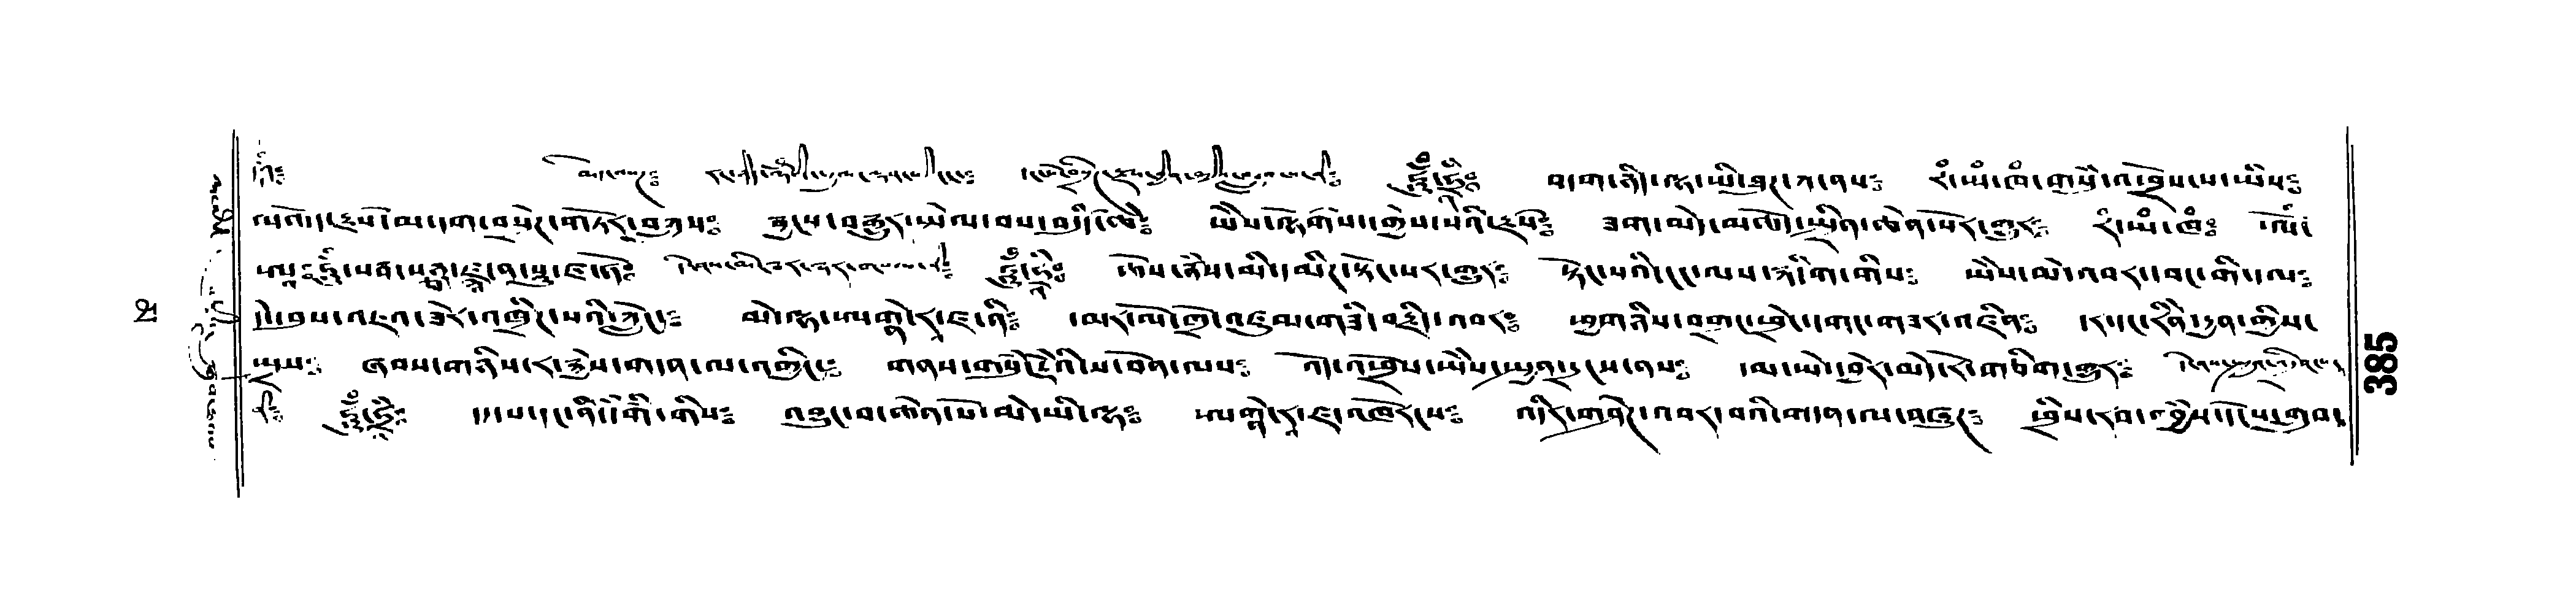མེད་བསགས༔ རང་ཉིད་ལྷ་མོའི་ང་རྒྱལ་ལྡན་པའི་ངང༔ དང་པོ་བསྲེགས་རྫས་བྱིན་གྱིས་རླབས་པ་ནི༔ ཧཱུྃ་ཧྲཱིཿ བདག་ཉིད་ལྷ་ཡི་ཐུགས་ཀ་ནས༔ རྃ་ཡྃ་ཁྃ་གསུམ་འཕྲོས་པ་ཡིས༔ 
མཆོད་རྫས་མ་དག་བསྲེགས་གཏོར་བཀྲུས༔ སྦྱངས་བསྒྱུར་སྤེལ་བས་བདུད་རྩི་ཆེ༔ ཡེ་ཤེས་ལྷ་ཚོགས་དགྱེས་པའི་རྫས༔ ཟག་མེད་མཆོད་སྤྲིན་ཆེན་པོར་གྱུར༔ རྃ་ཡྃ་ཁྃ༔ ཨོཾ་
ཨཱཿཧཱུྃ་སརྦ་པཉྩ་ཛྙཱ་ན་པཱུ་ཛ་ཧོཿ དེ་ནས་མེ་སྦར་ལྷར་གསལ་ནི༔ ཧཱུྃ་ཧྲཱིཿ ཆོས་རྣམས་མི་དམིགས་སྟོང་པར་གྱུར༔ སྟོང་པའི་ངང་ལས་སྐད་ཅིག་གིས༔ ཡེ་ཤེས་མེ་འབར་དབང་གི་དལ༔ 
དེ་དབུས་འཇའ་ཟེར་འཁྲིགས་པའི་ཀློང༔ མེ་ལྷ་ཨགྣེ་རཱ་ཛ་ནི༔ དམར་མོ་ཁྲོ་འཛུམ་གཟི་བརྗིད་འབར༔ ཕྱག་གཉིས་བགྲང་ཕྲེང་དགང་གཟར་འཛིན༔ དར་དང་རིན་ཆེན་རྒྱན་གྱིས་
སྤྲས༔ ཞབས་གཉིས་ར་སྐྱེས་གདན་ལ་འགྱིང༔ གནས་གསུམ་རྡོ་རྗེའི་ས་བོན་ལས༔ འོད་འཕྲོས་ཡེ་ཤེས་སྤྱན་དྲངས་ནས༔ དམ་ཡེ་དབྱེར་མེད་རོ་གཅིག་གྱུར༔ དེ་ནས་སྤྱན་འདྲེན་པ་
ནི༔ ཧཱུྃ་ཧྲཱིཿ དད་པ་དག་ནི་དམ་ཚིག་གིས༔ འབྱུང་བ་ཆེན་པོ་མེ་ཡི་ལྷ༔ ཨགྣེ་རཱ་ཛ་འཁོར་འབངས༔ འདིར་གཤགེས་འབར་བའི་གདན་ལ་བཞུགས༔ ཕྲིན་ལས་རབ་འབྱམས་དངོས་གྲུབ་